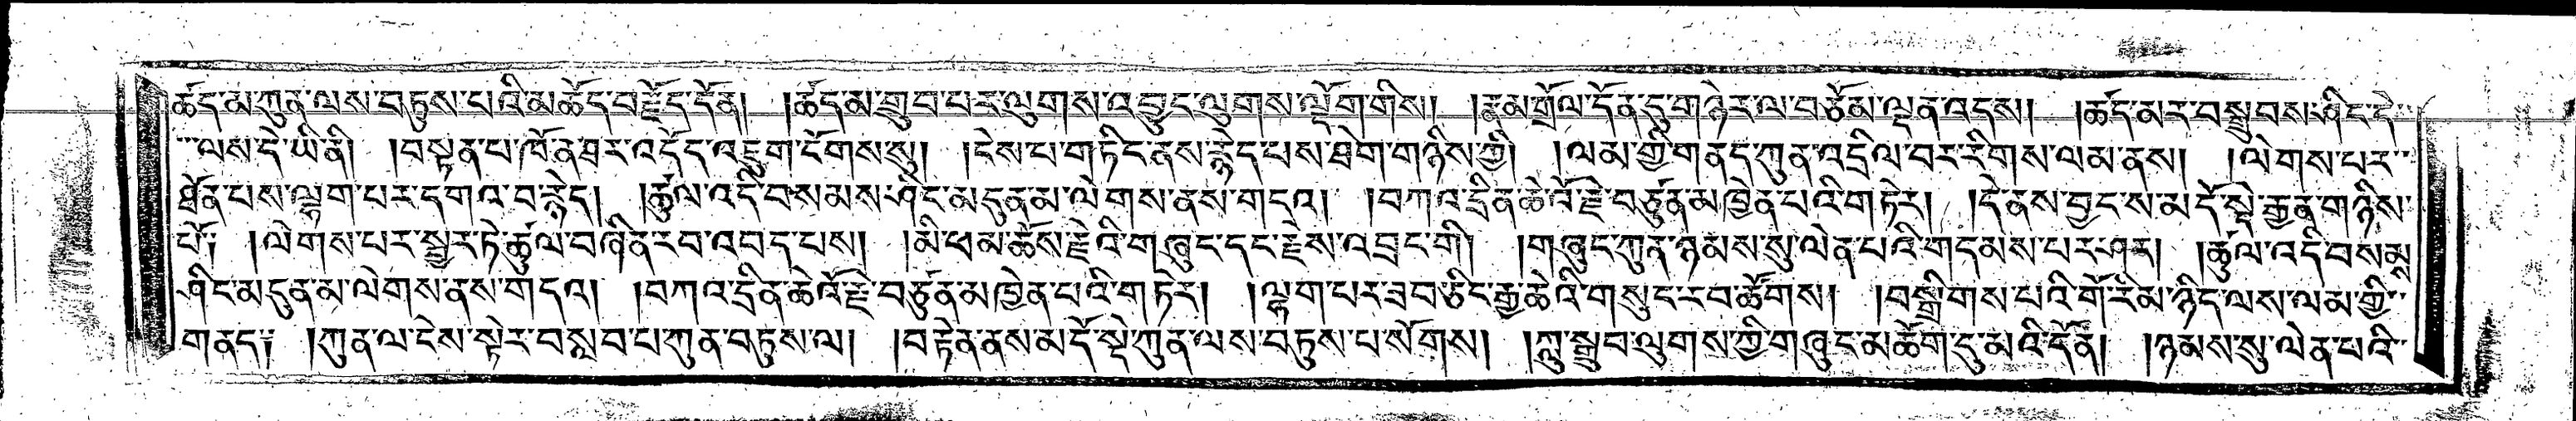ཚད་མ་ཀུན་ལས་བཏུས་པའི་མཆོད་བརྗོད་དོན། །ཚད་མ་གྲུབ་པར་ལུགས་འབྱུང་ལུགས་ལྡོག་གིས། །རྣམ་གྲོལ་དོན་དུ་གཉེར་ལ་བཅོམ་ལྡན་འདས། །ཚད་མར་བསྒྲུབས་ཤིང་དེ་
ལས་དེ་ཡི་ནི། །བསྟན་པ་ཁོ་ན་ཐར་འདོད་འཇུག་ངོགས་སུ། །ངེས་པ་གཏིང་ནས་རྙེད་པས་ཐེག་གཉིས་ཀྱི། །ལམ་གྱི་གནད་ཀུན་འདྲིལ་བར་རིགས་ལམ་ནས། །ལེགས་པར་
ཐོན་པས་ལྷག་པར་དགའ་བ་རྙེད། །ཚུལ་འདི་བསམས་ཤིང་མདུན་མ་ལེགས་ནས་གདའ། །བཀའ་དྲིན་ཆེ་འོ་རྗེ་བཙུན་མཁྱེན་པའི་གཏེར། །དེ་ནས་བྱང་ས་མདོ་སྡེ་རྒྱན་གཉིས་
པོ༑ །ལེགས་པར་སྦྱར་ཏེ་ཚུལ་བཞིན་རབ་འབད་པས། །མི་ཕམ་ཆོས་རྗེའི་གཞུང་དང་རྗེས་འབྲང་གི། །གཞུང་ཀུན་ཉམས་སུ་ལེན་པའི་གདམས་པར་ཤར། །ཚུལ་འདི་བསམས་
ཤིང་མདུན་མ་ལེགས་ནས་གདའ། །བཀའ་དྲིན་ཆེའོ་རྗེ་བཙུན་མཁྱེན་པའི་གཏེར། །ལྷག་པར་ཟབ་ཅིང་རྒྱ་ཆེའི་གསུང་རབ་ཚོགས། །བསྒྲིགས་པའི་གོ་རིམ་ཉིད་ལས་ལམ་གྱི་
གནད༑ །ཀུན་ལ་ངེས་སྟེར་བསླབ་པ་ཀུན་བཏུས་ལ། །བརྟེན་ནས་མདོ་སྡེ་ཀུན་ལས་བཏུས་པ་སོགས། །ཀླུ་སྒྲུབ་ལུགས་ཀྱི་གཞུང་མཆོག་དུ་མའི་དོན། །ཉམས་སུ་ལེན་པའི་